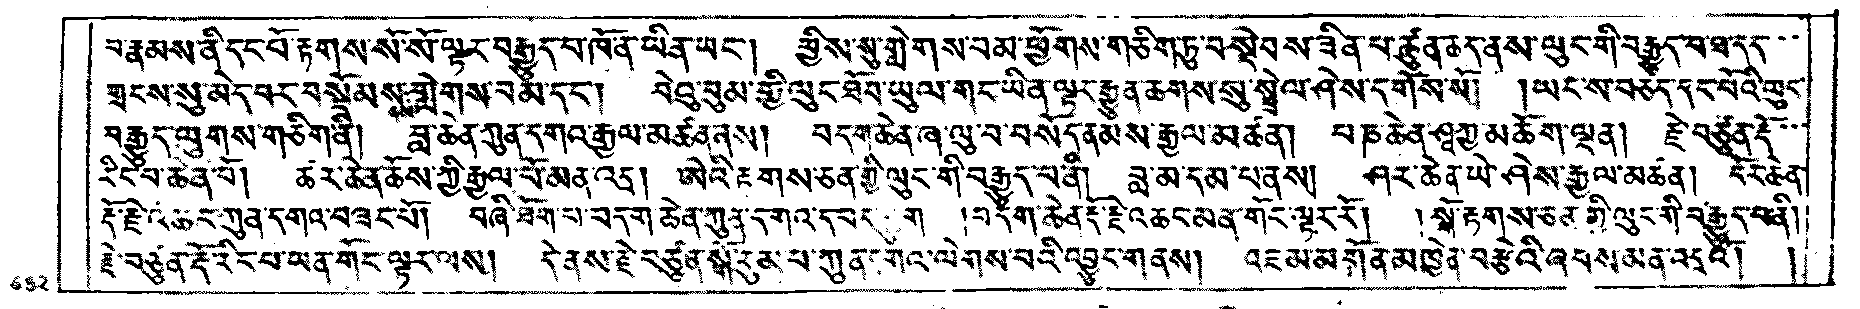པ་རྣམས་ནི་དང་པོ་རྟགས་སོ་སོ་ལྟར་བརྒྱུད་པ་ཁོ་ན་ཡིན་ཡང་། ཕྱིས་སུ་གླེགས་བམ་ཕྱོགས་གཅིག་ཏུ་བསྡེབས་ཟིན་པ་ཚུན་ཆད་ནས་ལུང་གི་བརྒྱུད་པ་ཐ་དད་
གྲངས་སུ་མེད་པར་བསྡོམས་ནས་གླེགས་བམ་དང་། བེའུ་བུམ་གྱི་ལུང་ཐོབ་ཡུལ་གང་ཡིན་ལྟར་རྒྱུན་ཆགས་སུ་སྦྲེལ་ཤེས་དགོས་སོ། །ཡང་ས་བཅད་དང་པོའི་ལུང་
བརྒྱུད་ལུགས་གཅིག་ནི། བླ་ཆེན་ཀུན་དགའ་རྒྱལ་མཚན་ནས། བདག་ཆེན་ཞ་ལུ་བ་བསོད་ནམས་རྒྱལ་མཚན། པཎ་ཆེན་ཤཱཀྱ་མཆོག་ལྡན། རྗེ་བཙུན་རྡོ་
རིང་པ་ཆེན་པོ། ཚར་ཆེན་ཆོས་ཀྱི་རྒྱལ་པོ་མན་འདྲ། ཨེའི་རྟགས་ཅན་གྱི་ལུང་གི་བརྒྱུད་པ་ནི། བླ་མ་དམ་པ་ནས། ཤར་ཆེན་ཡེ་ཤེས་རྒྱལ་མཚན། ངོར་ཆེན་
རྡོ་རྗེ་འཆང་ཀུན་དགའ་བཟང་པོ། བཞི་ཐོག་པ་བདག་ཆེན་ཀུན་དགའ་དབང་ཕྱུག །བདག་ཆེན་རྡོ་རྗེ་འཆང་མན་གོང་ལྟར་རོ། །སྒོ་རྟགས་ཅན་གྱི་ལུང་གི་བརྒྱུད་པ་ནི།
རྗེ་བཙུན་རྡོ་རིང་པ་ཡན་གོང་ལྟར་ལས། དེ་ནས་རྗེ་བཙུན་སྒོ་རུམ་པ་ཀུན་དགའ་ལེགས་པའི་འབྱུང་གནས། འཇམ་མགོན་མཁྱེན་བརྩེའི་ཞབས་མན་འདྲའོ། །